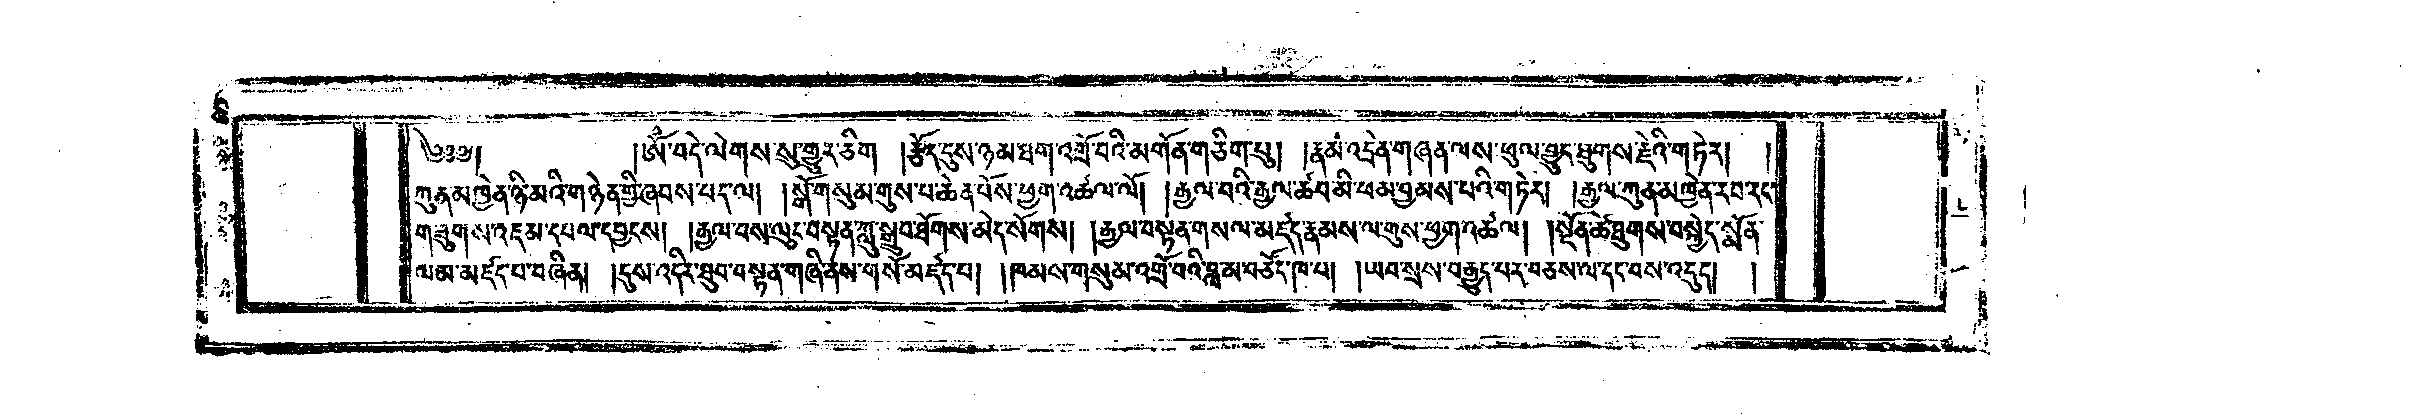༄༅༅། །ཨོཾ་བདེ་ལེགས་སུ་གྱུར་ཅིག །རྩོད་དུས་ཉམ་ཐག་འགྲོ་བའི་མགོན་གཅིག་པུ། །རྣམ་འདྲེན་གཞན་ལས་ཕུལ་བྱུང་ཐུགས་རྗེའི་གཏེར། །
ཀུན་མཁྱེན་ཉི་མའི་གཉེན་གྱི་ཞབས་པད་ལ། །སྒོ་གསུམ་གུས་པ་ཆེན་པོས་ཕྱག་འཚལ་ལོ། །རྒྱལ་བའི་རྒྱལ་ཚབ་མི་ཕམ་བྱམས་པའི་གཏེར། །རྒྱལ་ཀུན་མཁྱེན་རབ་རང་
གཟུགས་འཇམ་དཔལ་དབྱངས། །རྒྱལ་བས་ལུང་བསྟན་ཀླུ་སྒྲུབ་ཐོགས་མེད་སོགས། །རྒྱལ་བསྟན་གསལ་མཛད་རྣམས་ལ་གུས་ཕྱག་འཚལ། །སྔོན་ཚེ་ཐུགས་བསྐྱེད་སྨོན་
ལམ་མཛད་པ་བཞིན། །དུས་འདིར་ཐུབ་བསྟན་གཞི་ནས་གསོ་མཛད་པ། །ཁམས་གསུམ་འགྲོ་བའི་བླ་མ་བཙོང་ཁ་པ། །ཡབ་སྲས་བརྒྱུད་པར་བཅས་ལ་དང་བས་འདུད། །